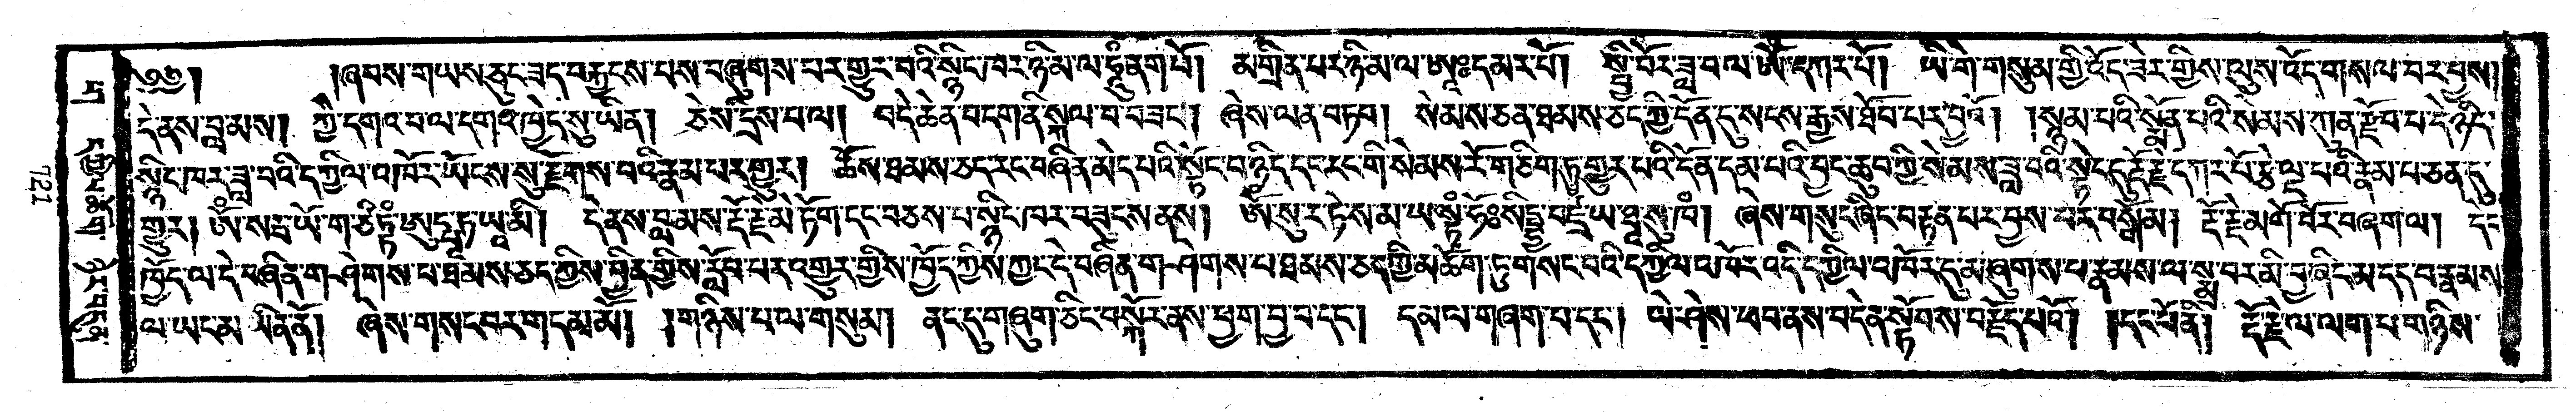༄༅། །ཞབས་གཡས་ཅུང་ཟད་བརྐྱངས་པས་བཞུགས་པར་གྱུར་པའི་སྙིང་ཁར་ཉི་མ་ལ་ཧཱུཾ་ནག་པོ། མགྲིན་པར་ཉི་མ་ལ་ཨཱཿདམར་པོ། སྦྱི་བོར་ཟླ་བ་ལ་ཨོཾ་དཀར་པོ། ཡི་གེ་གསུམ་གྱི་འོད་ཟེར་གྱིས་ལུས་འོད་གསལ་བར་བྱས།
དེ་ནས་བླ་མས། ཀྱཻ་དགའ་བ་ལ་དགའ་ཁྱེད་སུ་ཡིན། ཅེས་དྲིས་པ་ལ། བདེ་ཆེན་བདག་ནི་སྐལ་བ་བཟང་། ཞེས་ལན་བཏབ། སེམས་ཅན་ཐམས་ཅད་ཀྱི་དོན་དུ་སངས་རྒྱས་ཐོབ་པར་བྱའོ། །སྙམ་པའི་སྨོན་པའི་སེམས་ཀུན་རྫོབ་པ་དེ་ཉིད་
སྙིང་ཁར་ཟླ་བའི་དཀྱིལ་འཁོར་ཡོངས་སུ་རྫོགས་པའི་རྣམ་པར་གྱུར། ཆོས་ཐམས་ཅད་རང་བཞིན་མེད་པའི་སྟོང་པ་ཉིད་དང་རང་གི་སེམས་རོ་གཅིག་ཏུ་གྱུར་པའི་དོན་དམ་པའི་བྱང་ཆུབ་ཀྱི་སེམས་ཟླ་བའི་སྟེང་དུ་རྡོ་རྗེ་དཀར་པོ་རྩེ་ལྔ་པའི་རྣམ་པ་ཅན་དུ་
གྱུར། ཨོཾ་སརྦ་ཡོ་ག་ཙིཏྟཾ་ཨུངྤཱ་ཏ་ཡཱ་མི། དེ་ནས་བླ་མས་རྡོ་རྗེ་མེ་ཏོག་དང་བཅས་པ་སྙིང་ཁར་བཟུངས་ནས། ཨོཾ་སུ་ར་ཏེ་ས་མ་ཡ་སྟཾ་ཧོཿསིདྡྷྱ་བཛྲ་ཡ་ཐཱ་སུ་ཁཾ། ཞེས་གསུང་ཞིང་བརྟན་པར་བྱས་པར་བསྒོམ། རྡོ་རྗེ་མགོ་བོར་བཞག་ལ། དེང་
ཁྱོད་ལ་དེ་བཞིན་གཤེགས་པ་ཐམས་ཅད་ཀྱིས་བྱིན་གྱིས་རློབ་པར་འགྱུར་གྱིས་ཁྱོད་ཀྱིས་ཀྱང་དེ་བཞིན་གཤེགས་པ་ཐམས་ཅད་ཀྱི་མཆོག་ཏུ་གསང་བའི་དཀྱིལ་འཁོར་འདི་དཀྱིལ་འཁོར་དུ་མ་ཞུགས་པ་རྣམས་ལ་སྨྲ་བར་མི་བྱ་ཞིང་མ་དད་བ་རྣམས་
ལ་ཡང་མ་ཡིན་ནོ། ཞེས་གསང་བར་གདམ་མོ། །གཉིས་པ་ལ་གསུམ། ནང་དུ་གཞུག་ཅིང་བསྐོར་ནས་ཕྱག་བྱ་བ་དང་། དམལ་གཞག་པ་དང་། ཡེ་ཤེས་ཕབ་ནས་བདེན་སྟོབས་བརྗོད་པའོ། །དང་པོ་ནི། རྡོ་རྗེ་ལ་ལག་པ་གཉིས་